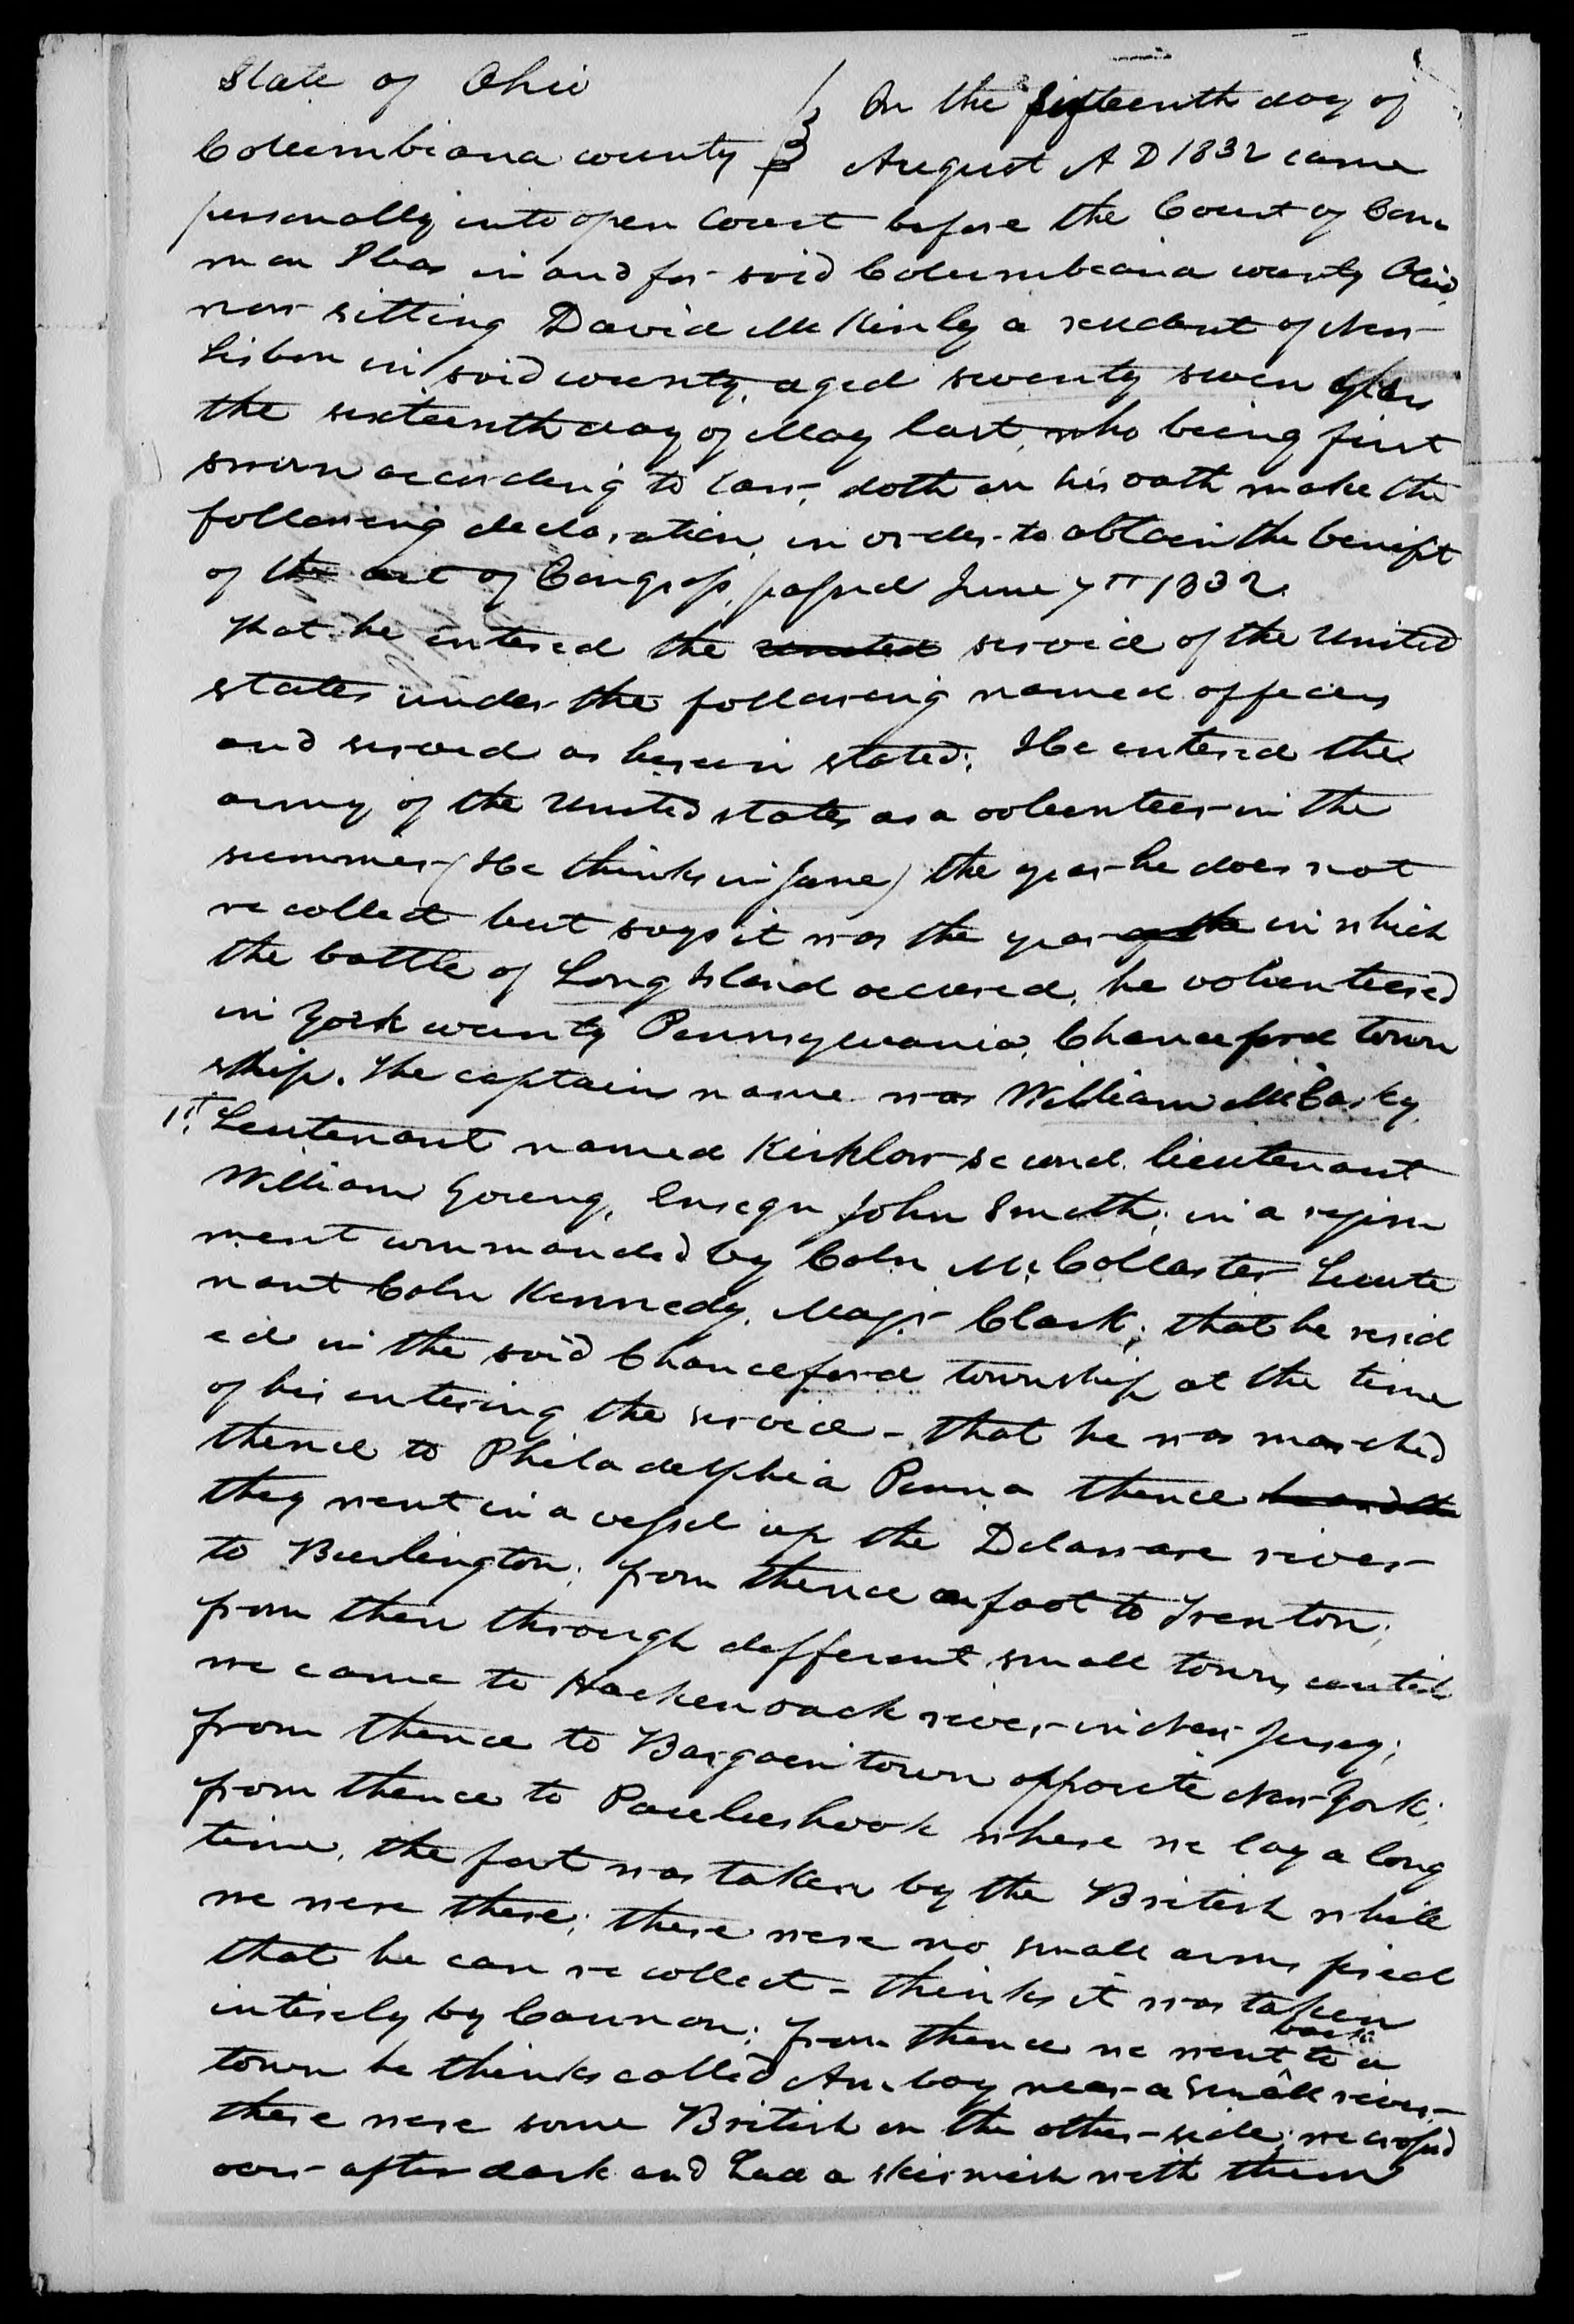State of Ohio
Columbiana County

On the fifteenth day of
August AD 1832 came
personally into open Court before the Court of Comman
Please in and for said Columbiana County Ohio
now sitting David McKinley a resident of New
Lisbon in said county, aged seventy seven years
the sixteenth day of May last, who being first
sworn according to law, doth on his oath make the
following declaration in order to obtain the benefit
of the act of Congress passed June 7th 1832
that he entered the  service of the United
States under the following named officers
and served as herein stated. He entered the
army of the United States as a volunteer in the
summer (he thinks in June) the year he does not
recollect but says it was the year in which
the battle of Long Island occured, he volunteered
in York County Pennsylvania, Chanceford township
township. The captains name was William McCasky
1st Lieutenant named Kicklow second lieutenant
William Young, Ensign John Smith in a regiment
commanded by Coln McCollaster Lieutenent 
Coln Kennedy, Majr Clark, that he resided
in the said Chanceford township at the time
of his entering the service - that he was marched
thence to Philadelphia Penna thence
they went in a vessel up the Delaware river
to Burlington, from thence on foot to Trenton;
from there through different small towns until
we came to Hackensack river in New Jersey;
from thence to Bargaintown opposite New York;
From thence to Paulus hook where we lay a long
time, the fort was taken by the British while
we were there; there were no small arms fired
that he can recollect - thinks it was then
entirely by cannon; from thence we went back to a
town he think called Amboy near a small river.
there were some British on the other side, we crossed
over after dark and had a skirmish with them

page: 6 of 39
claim: survivor's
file: S. 2812, for David Mc Kinley, Pennsylvania